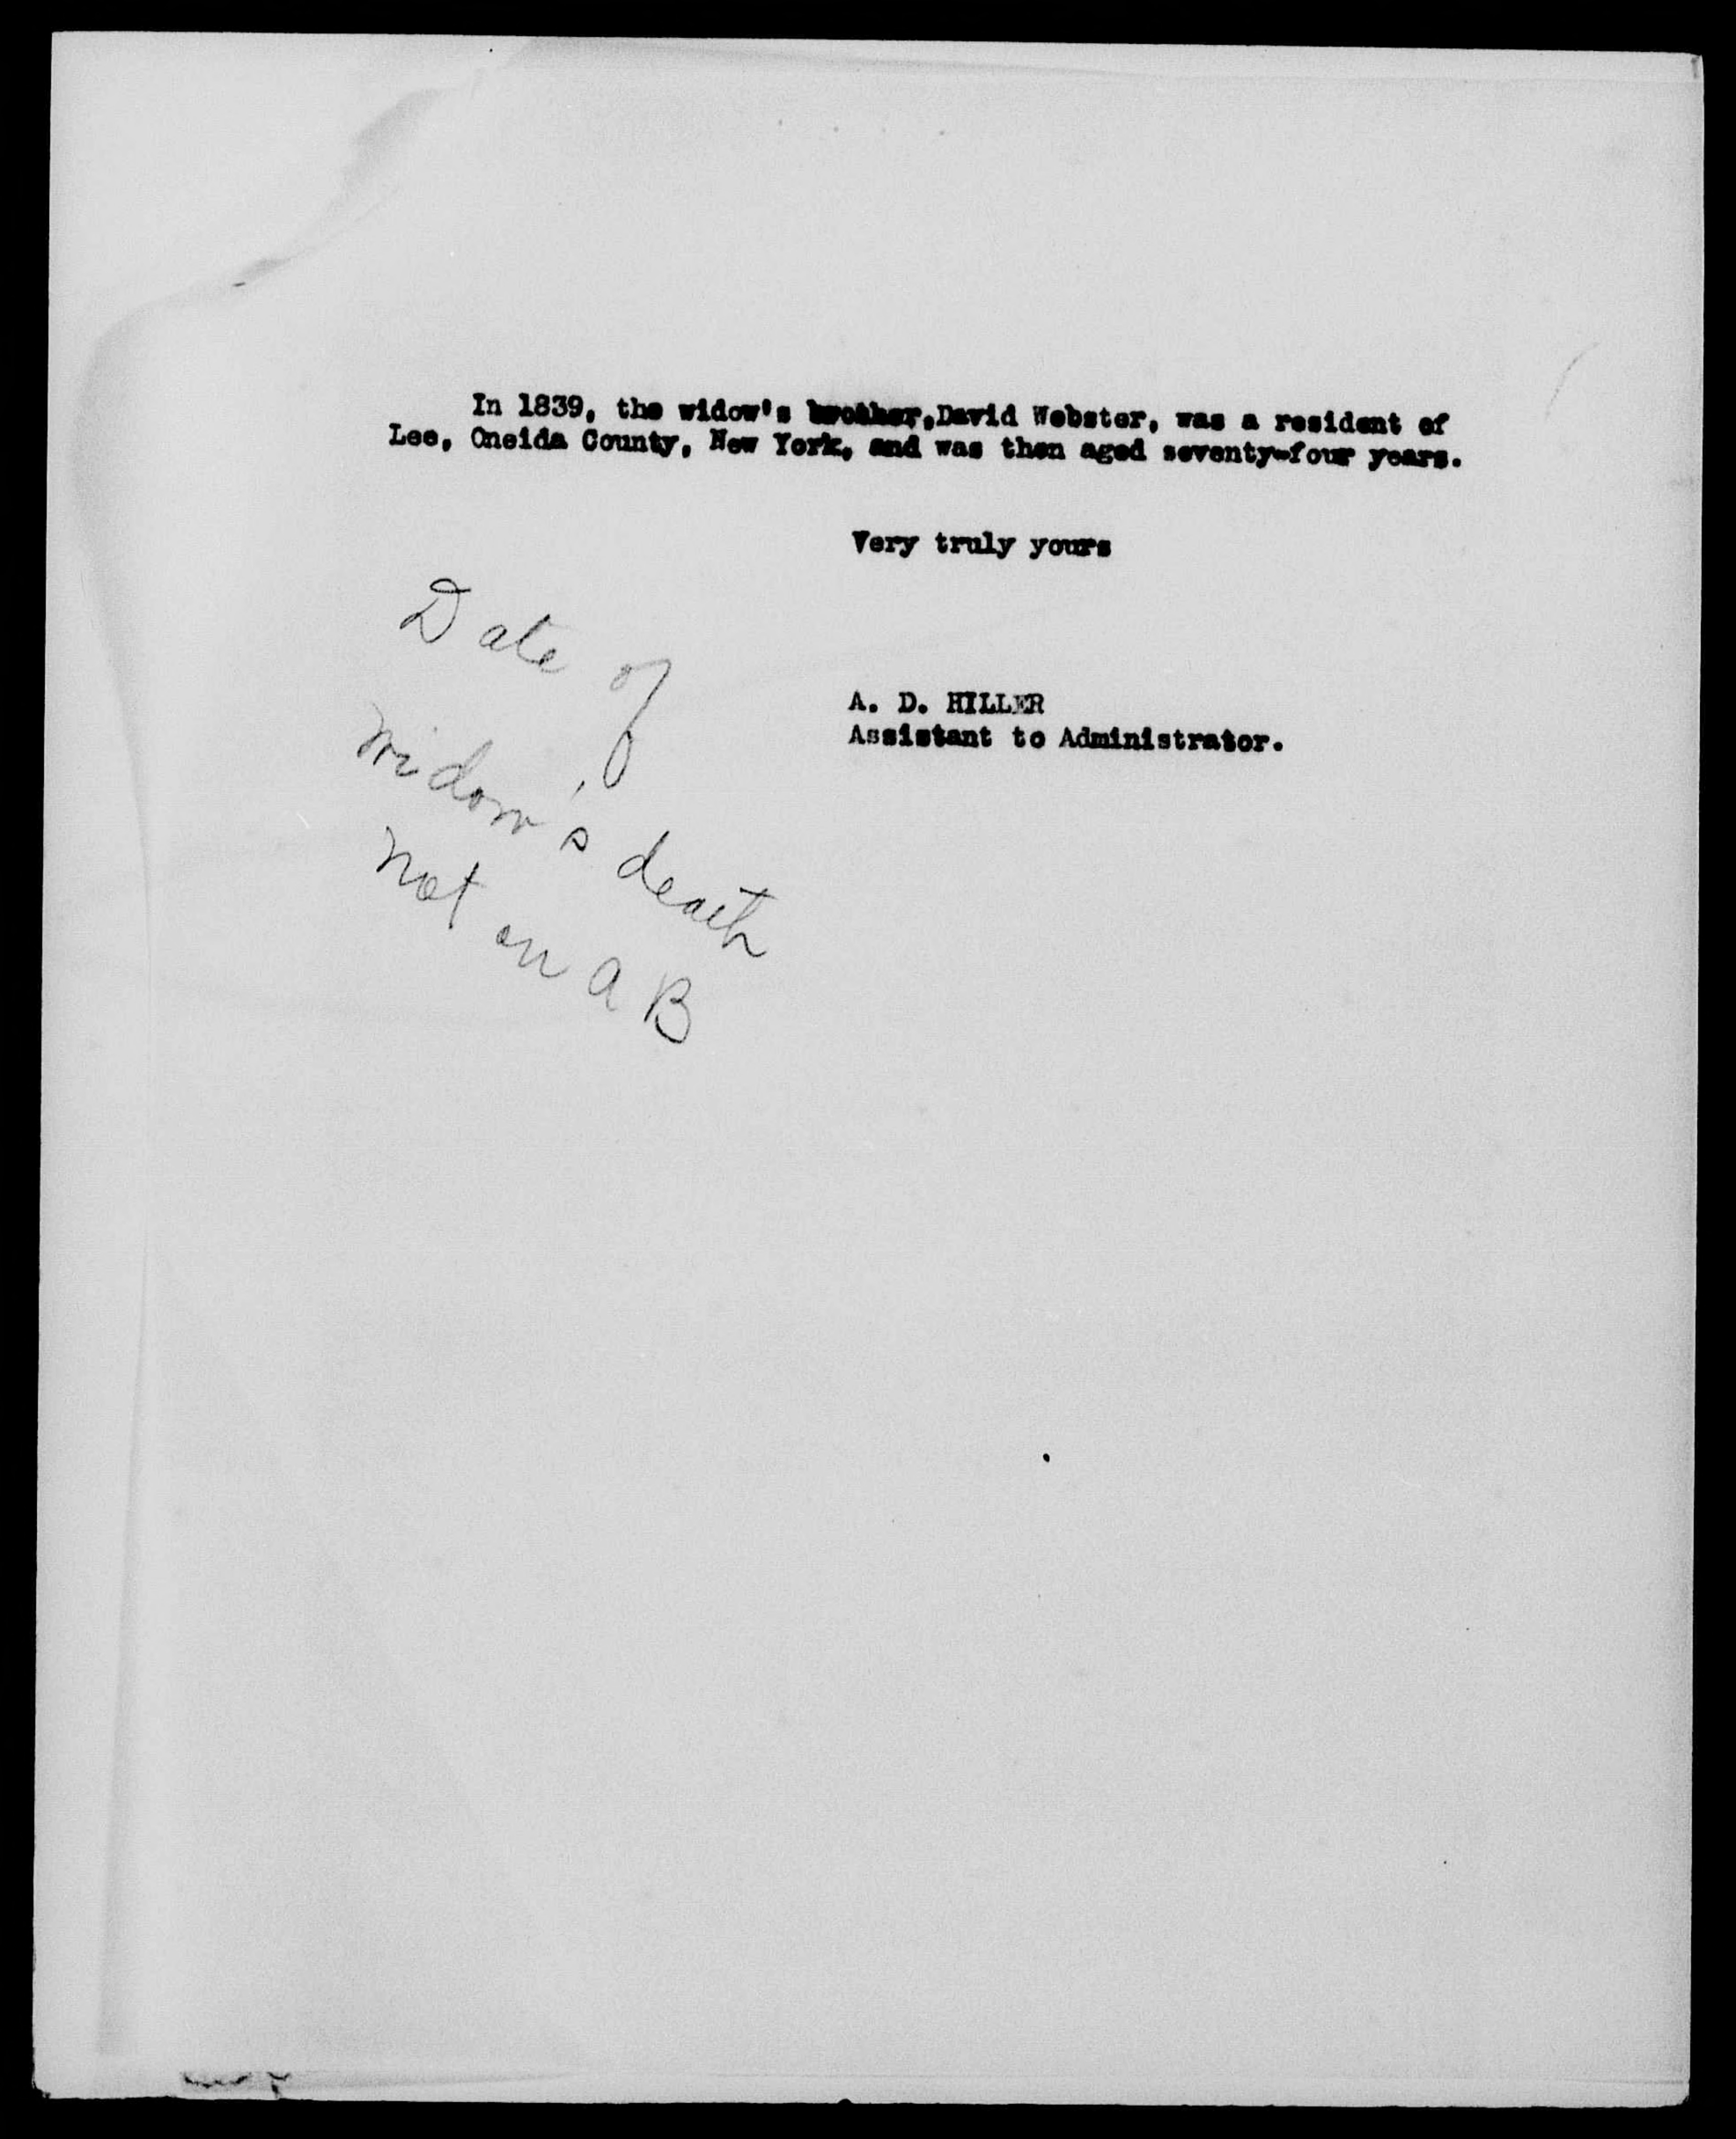In 1839, the widow's brother, David Webster, was a resident of
Lee, Oneida County, New York, and was then aged seventy-four years.

Very truly yours

A. D. Hiller
Assistant to Administrator.

Date of Widow's death not on a B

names: David Webster, A D Hiller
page: 13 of 38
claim: widow's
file: W. 23,381, Abner Hubbard, Continental Mass.